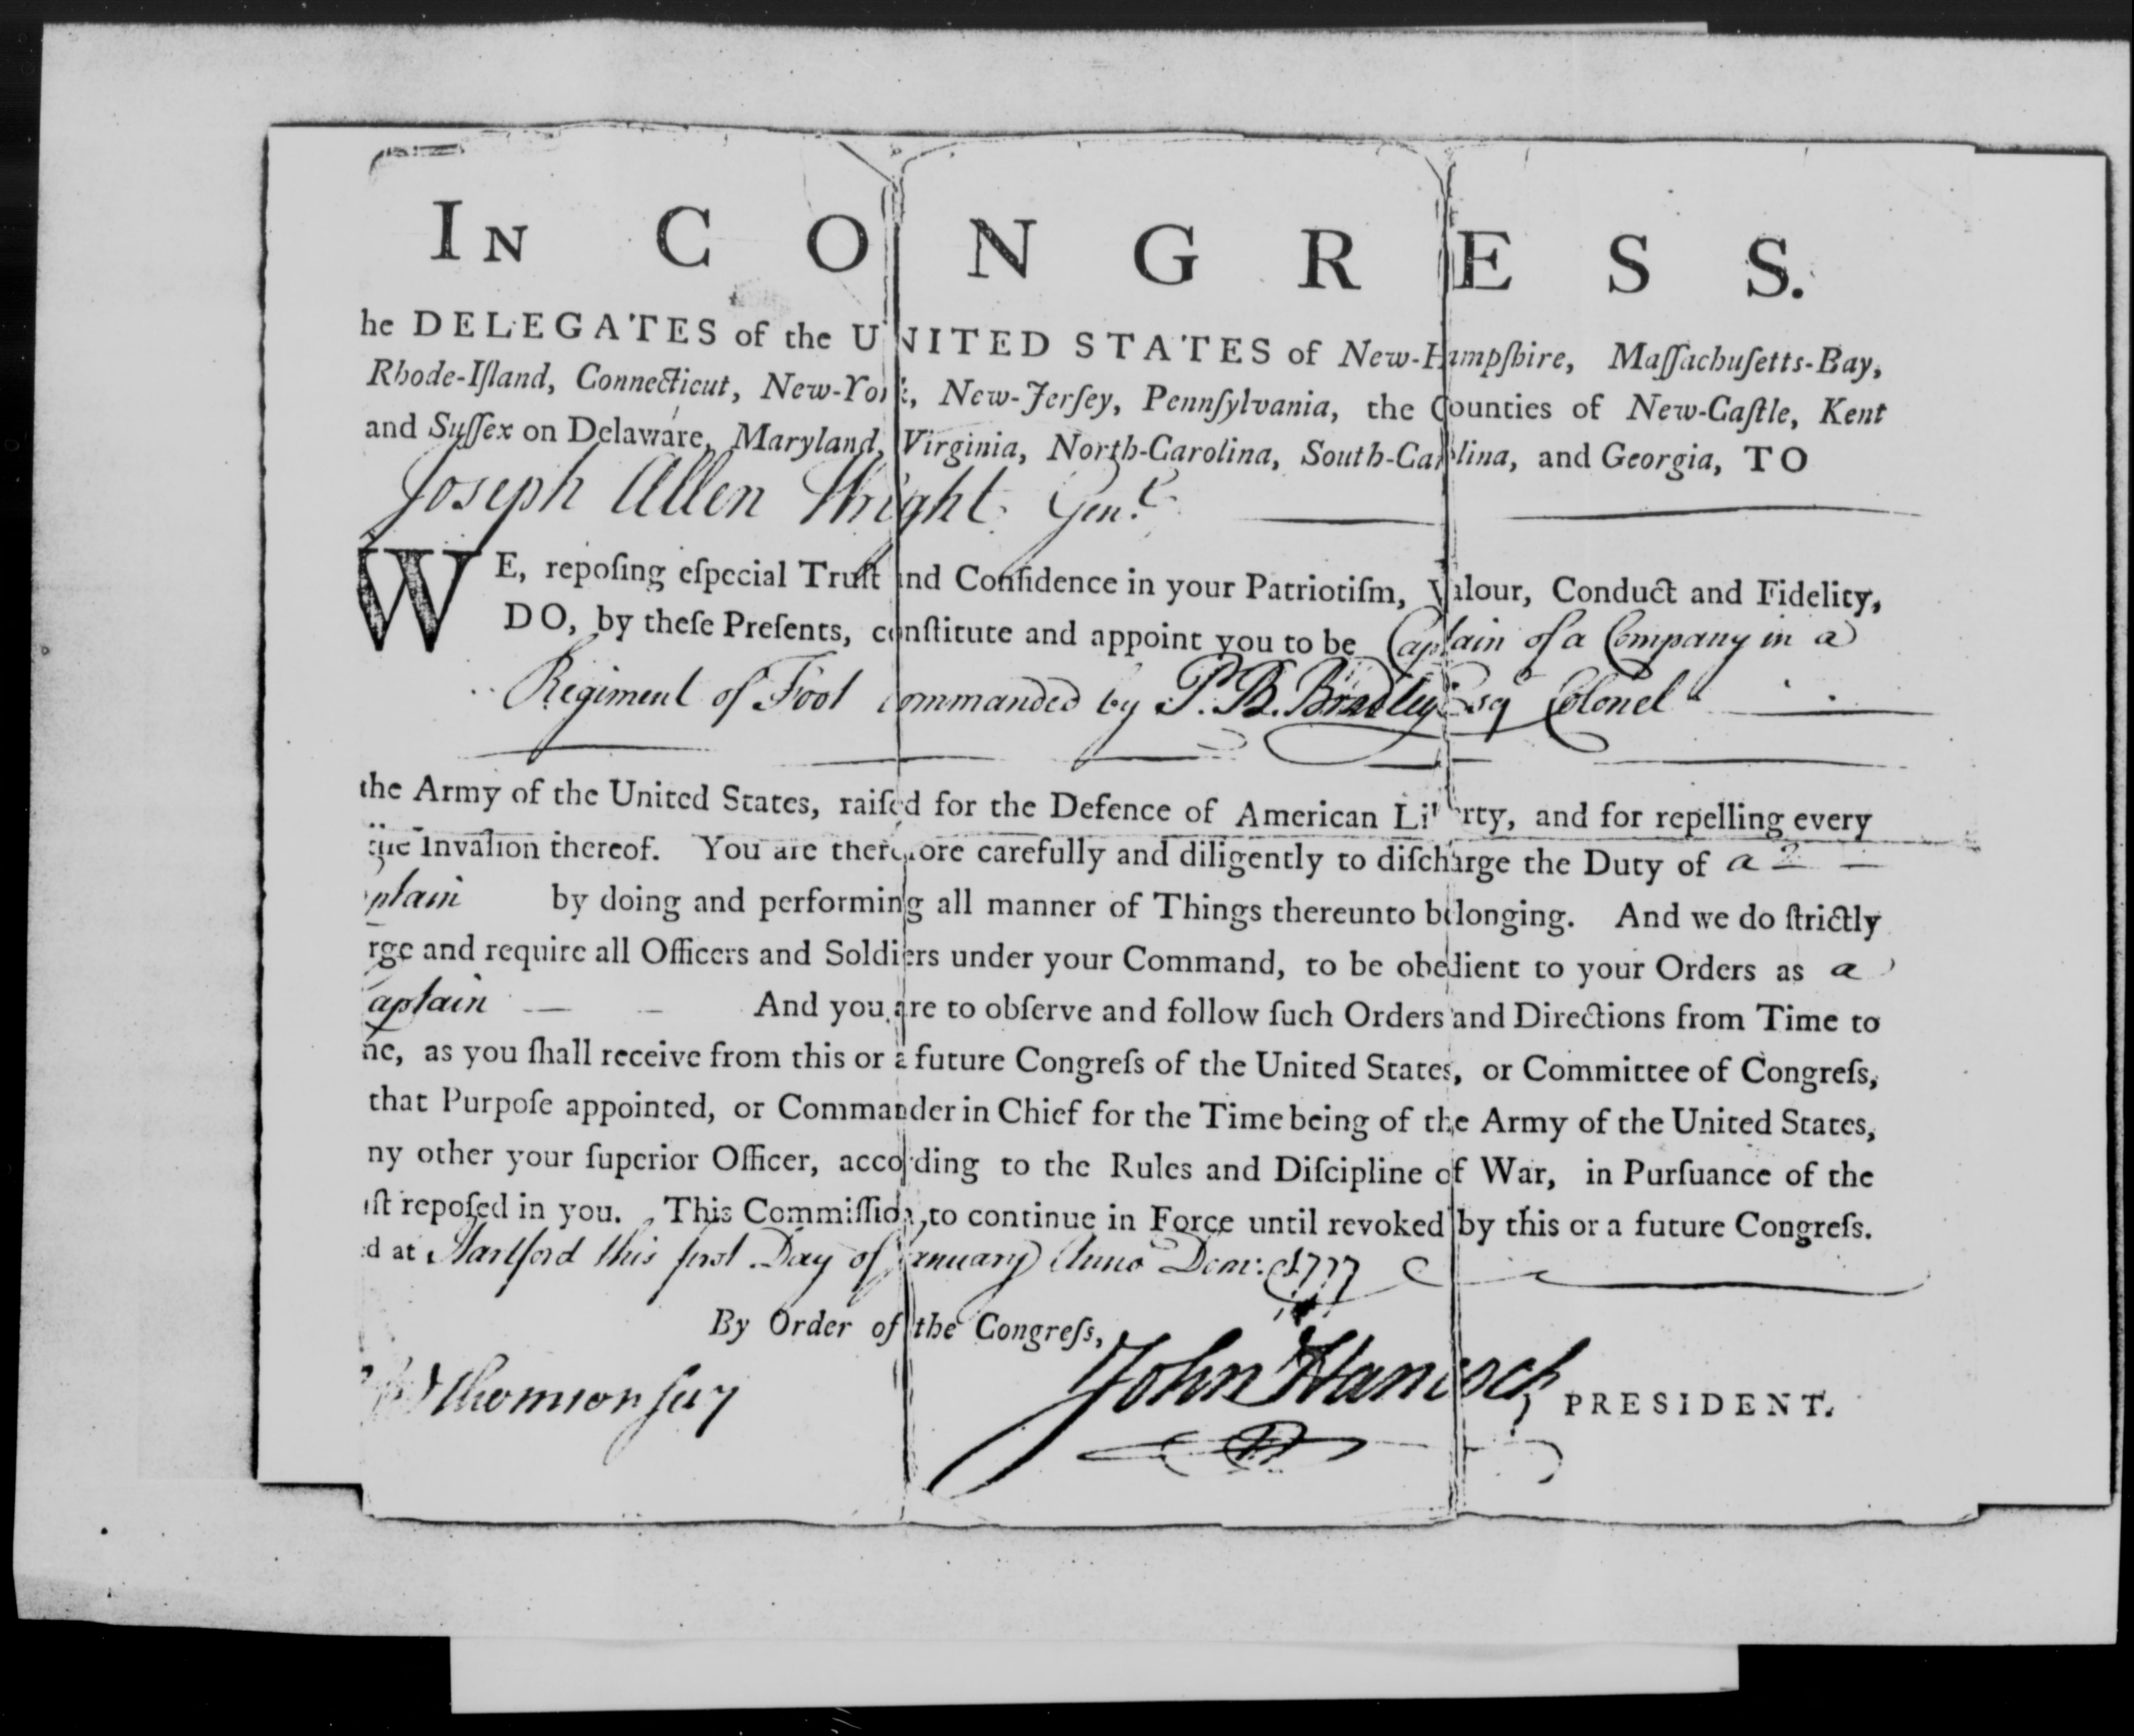IN CONGRESS.
he DELEGATES of the UNITED STATES of New-Hampshire, Massachusetts-Bay,
Rhode-Island, Connecticut, New-York, New-Jersey, Pennsylvania, the Counties of New-Castle, Kent
and Suffex on Delaware, Maryland, Virginia, North-Carolina, South-Carolina, and Georgia, TO
Joseph Allen Wright, Gen c.
WE, reposing especial Trust and Confidence in your Patriotism, Valour, Conduct, and Fidelity,
DO, by these Presents, constitute and appoint you to be Captain of a Company in a 
Regiment of Trust commanded by P.B. Bradley Colonel
The Army of the United States, raised for the Defense of American Liberty, and for repelling every invalion thereof. You are therefore carefully and diligent to discharge the Duty of a 2
Captain And you are to observe and follow such Orders and Directions from Time to 
Time, as you shall receive from this or a future Congress of the United States, or a Committee of Congress,
that Purpose appointed, or Commander in Chief for the Time being of the Army of the United States, 
[missing]ny other your superior Officer, according to the Rules and Discipline of War, in Pursuance of the
[missing]st reposed in you. This Commission to continue in Force until revoked by this or a future Congress.
[missing] at Hartford this first Day of January Anno Dom: 1777
By Order of the Congress,
[illegible] Thomson [illegible    John Hancock, President.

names: John Hancock, P B Bradley, Joseph Allen Wright, Chas Thomson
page: 11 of 13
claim: survivor's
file: S. 36855, Joseph Allyn Wright, Conn. Continental